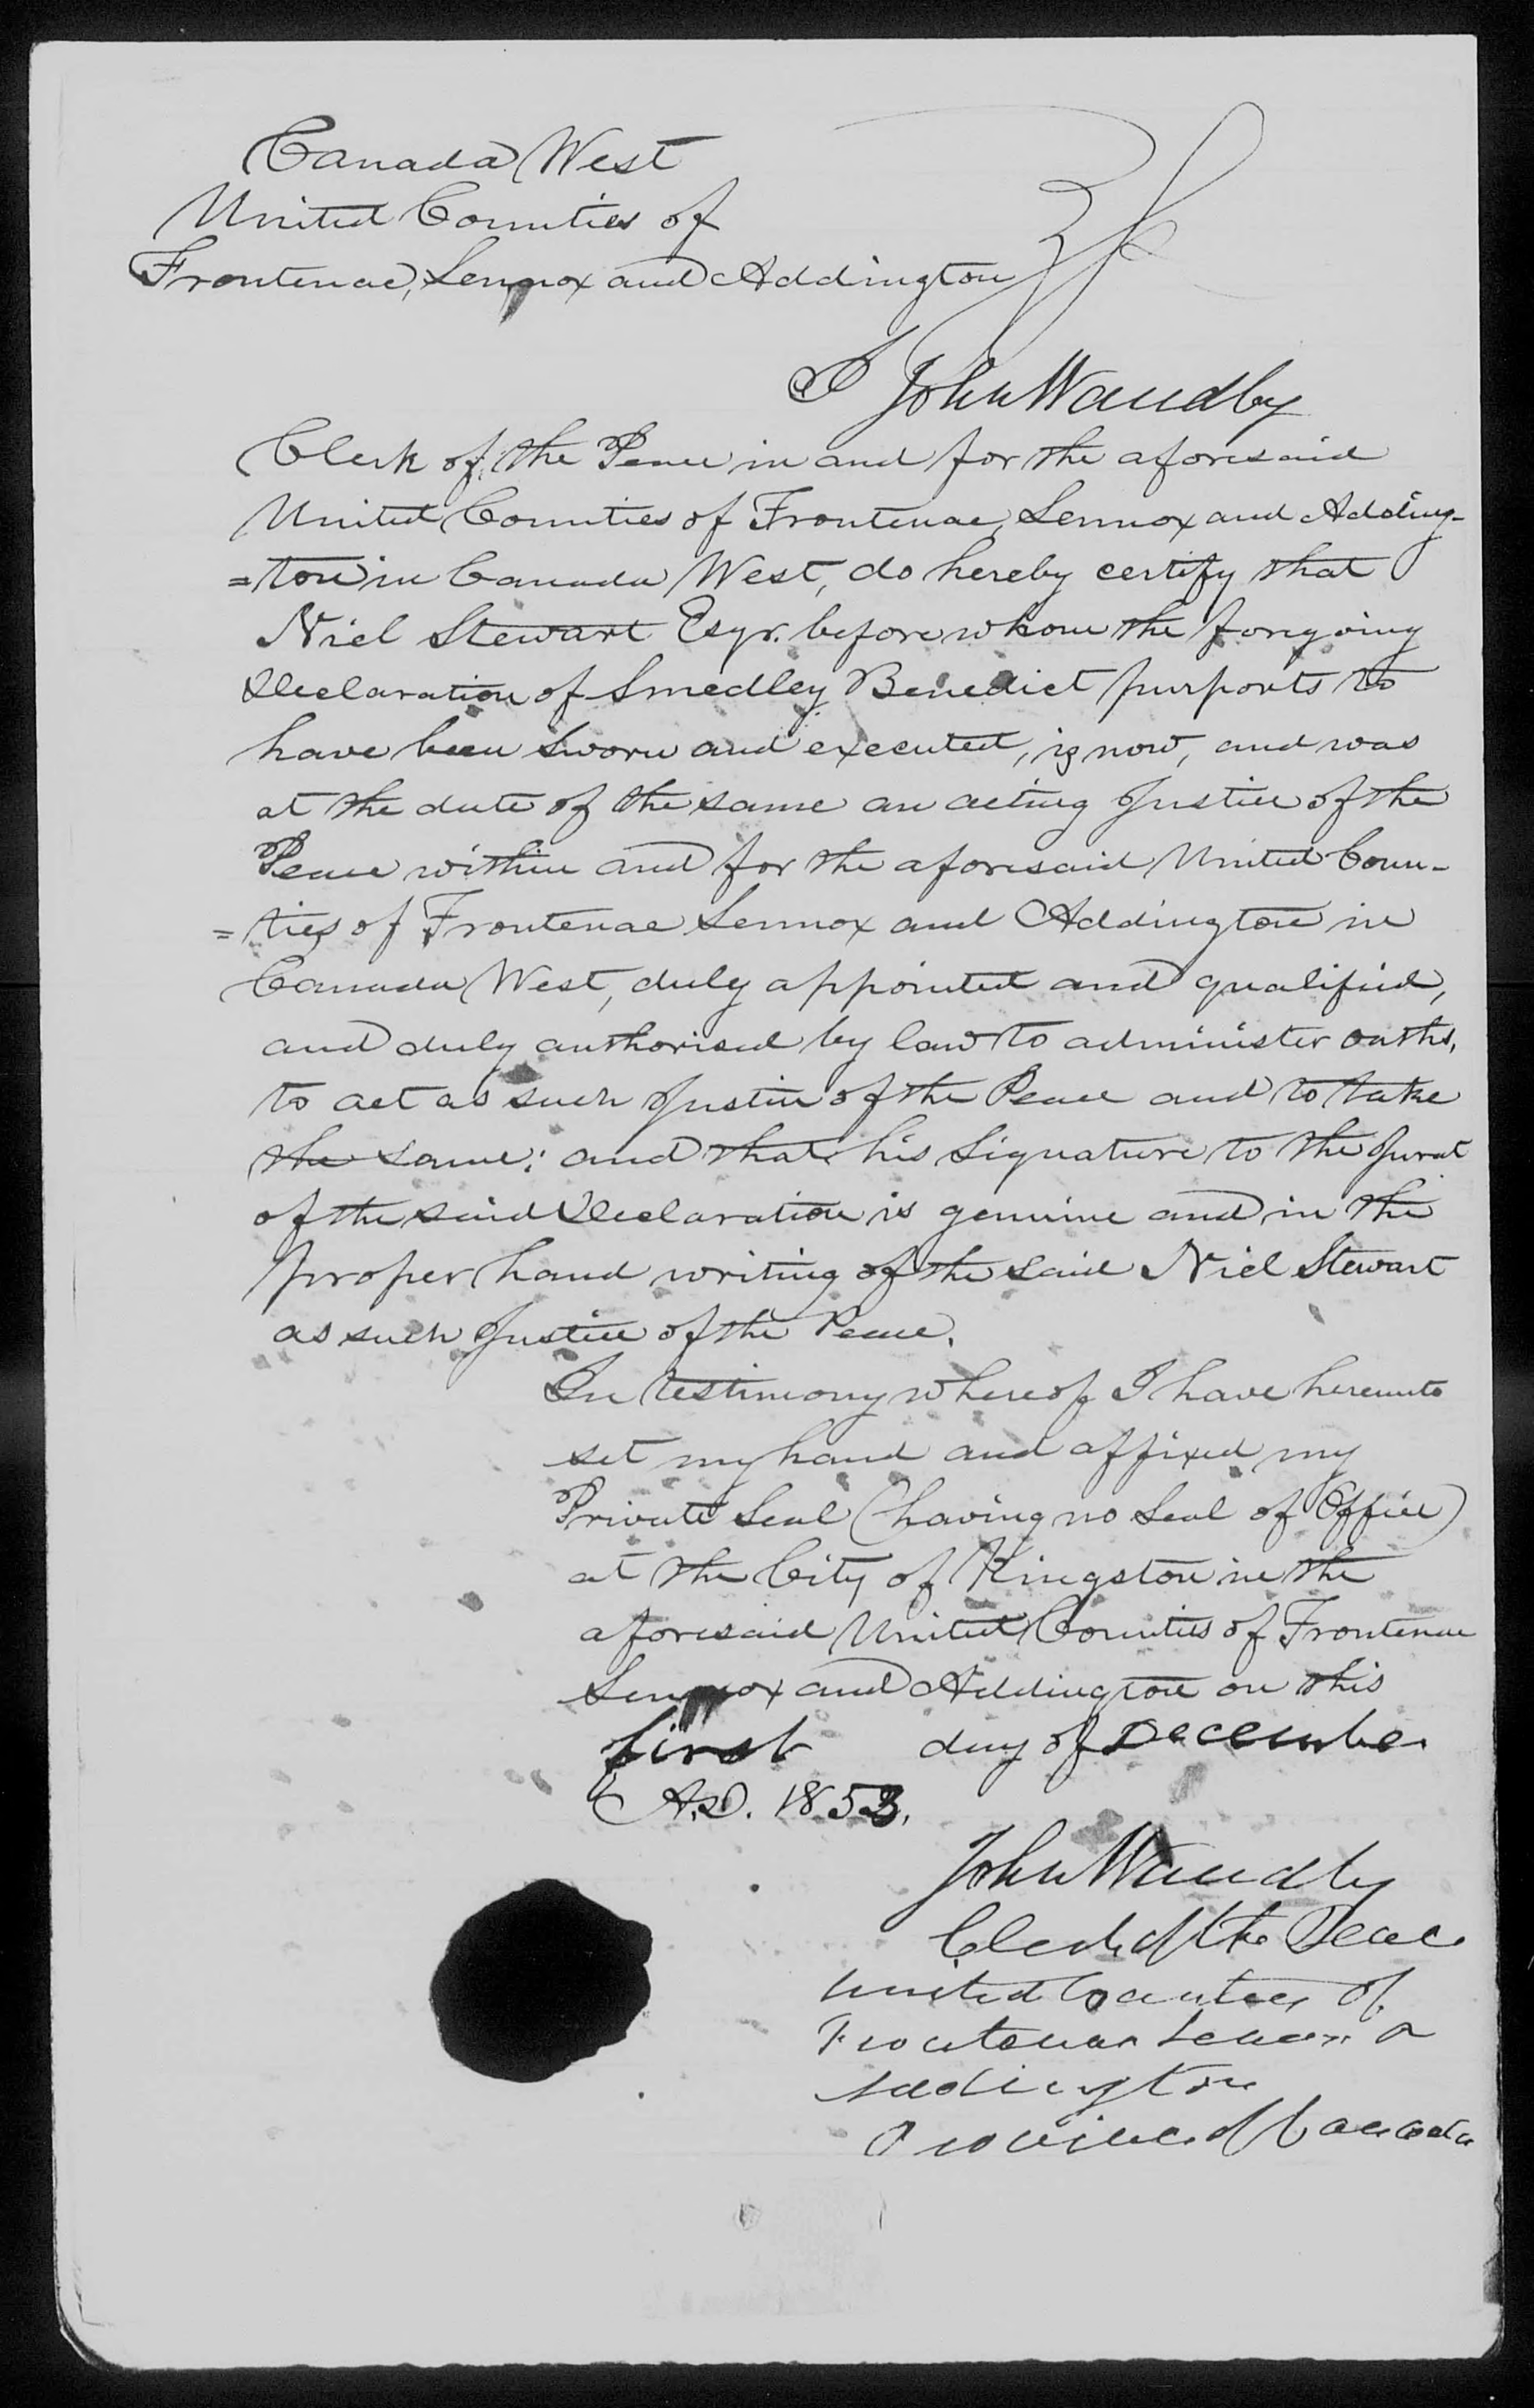Canada West
United Counties of
Frontenac, Lennox and Addington } Ss

I John Wandly Clerk of the Peace in and for the aforesaid United Counties of Frontenac, Lennox and Addington in Canada West, do hereby certify that Niel Stewart Esqr. before whom the foregoing Declaration of Smedley Benedict purports to have been sworn and executed, is now, and was at the date of the same an acting Justice of the Peace within and for the aforesaid United Counties of Frontenac Lennox and Addington in Canada West, duly appointed and qualified, and duly authorised by law to administer oaths, to act as such Justice of the Peace and to take the same: and that his signature to the jurat of the said Declaration is genuine and in the proper hand writing of the said Niel Stewart as such Justice of the Peace.
In testimony whereof I have hereunto set my hand and affixed my Private Seal (having no seal of Office) at the City of Kingston in the aforesaid United Counties of Frontenac Lennox and Addington on this first day of December A.D. 1853.
John Wandly
Clerk of the Peace
United Counties of Frontenac Lenox [Lennox] & Addington
Province of Canada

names: Niel Stewart, John Wandley, Smedley Benedict, Niel Stewart, John Wandly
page: 28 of 106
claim: survivor's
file: S 23,116., Joshua Benedict, Conn.